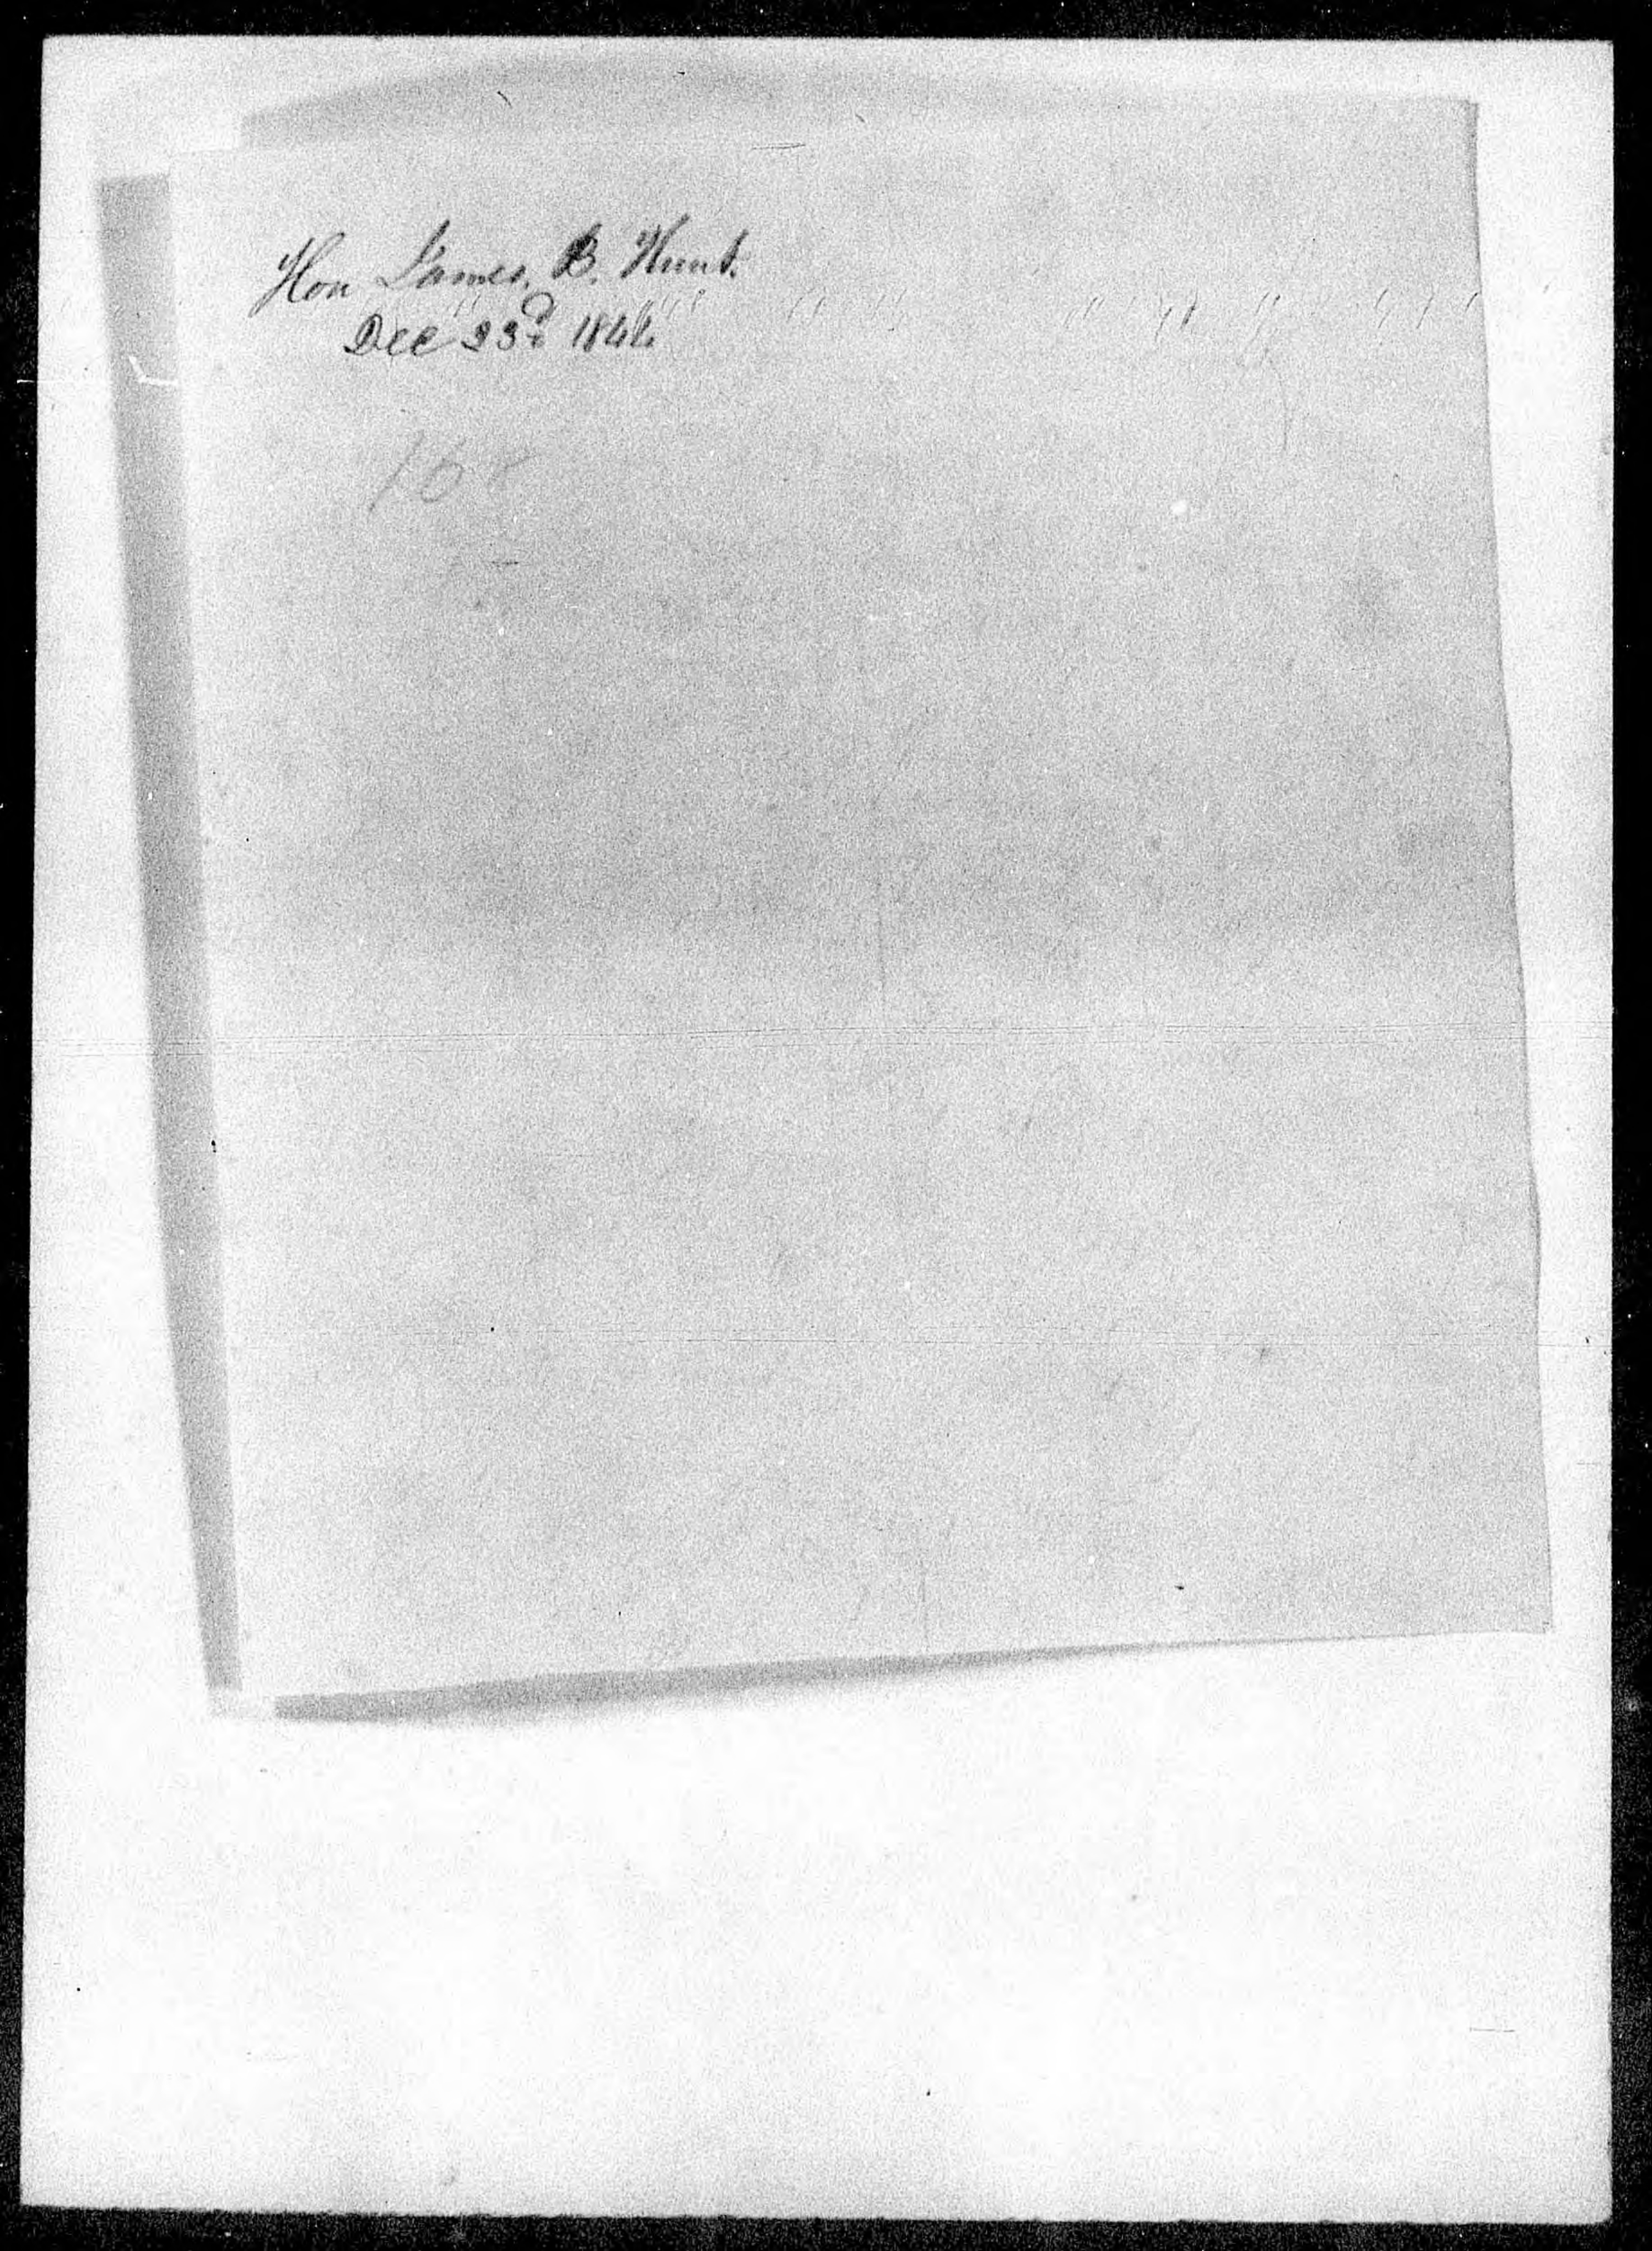Hon James B. Hunt
Dec 23d 1866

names: James B Hunt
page: 47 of 66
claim: rejected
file: R. 4298, Samuel Gregory, New York